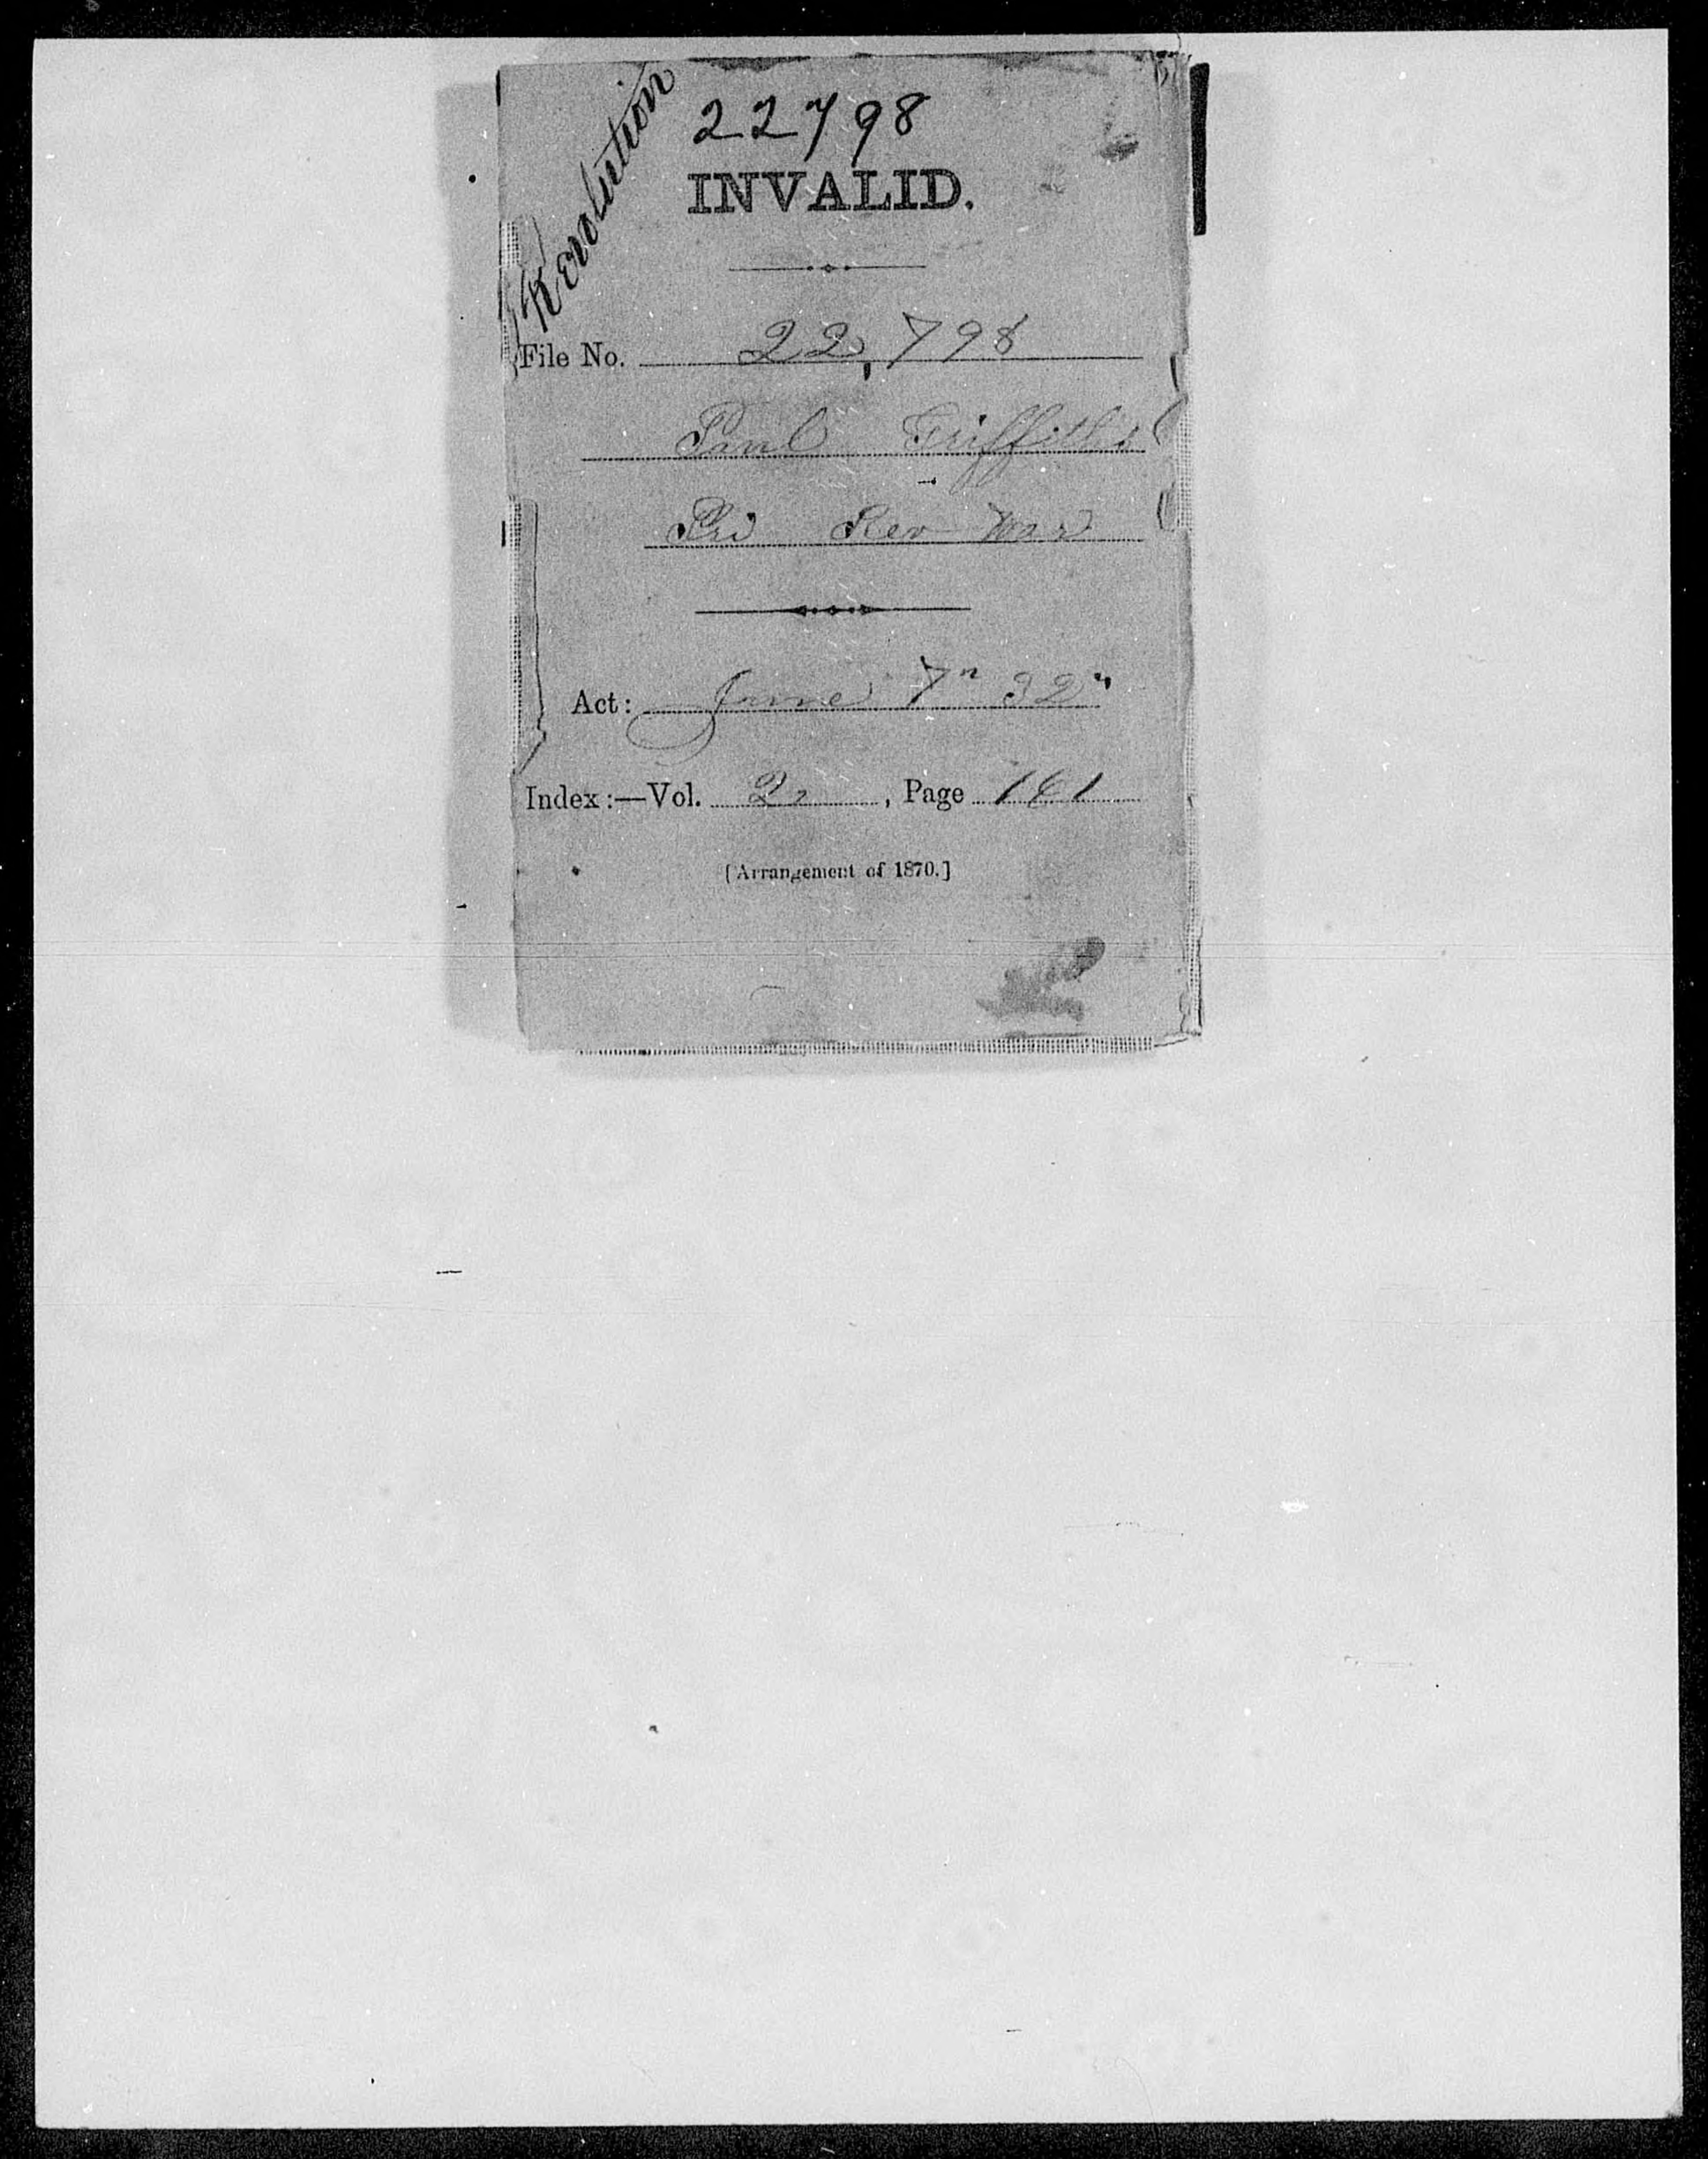Revolution 22798 INVALID. File No. 22,798 Paul Griffiths Pri Rev War Act: June 7" 32" Index: -- Vol. 2, Page 161 [Arrangement of 1870.]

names: Paul Griffiths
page: 33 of 61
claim: survivor's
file: S. 22798, Paul Griffiths, R.I.